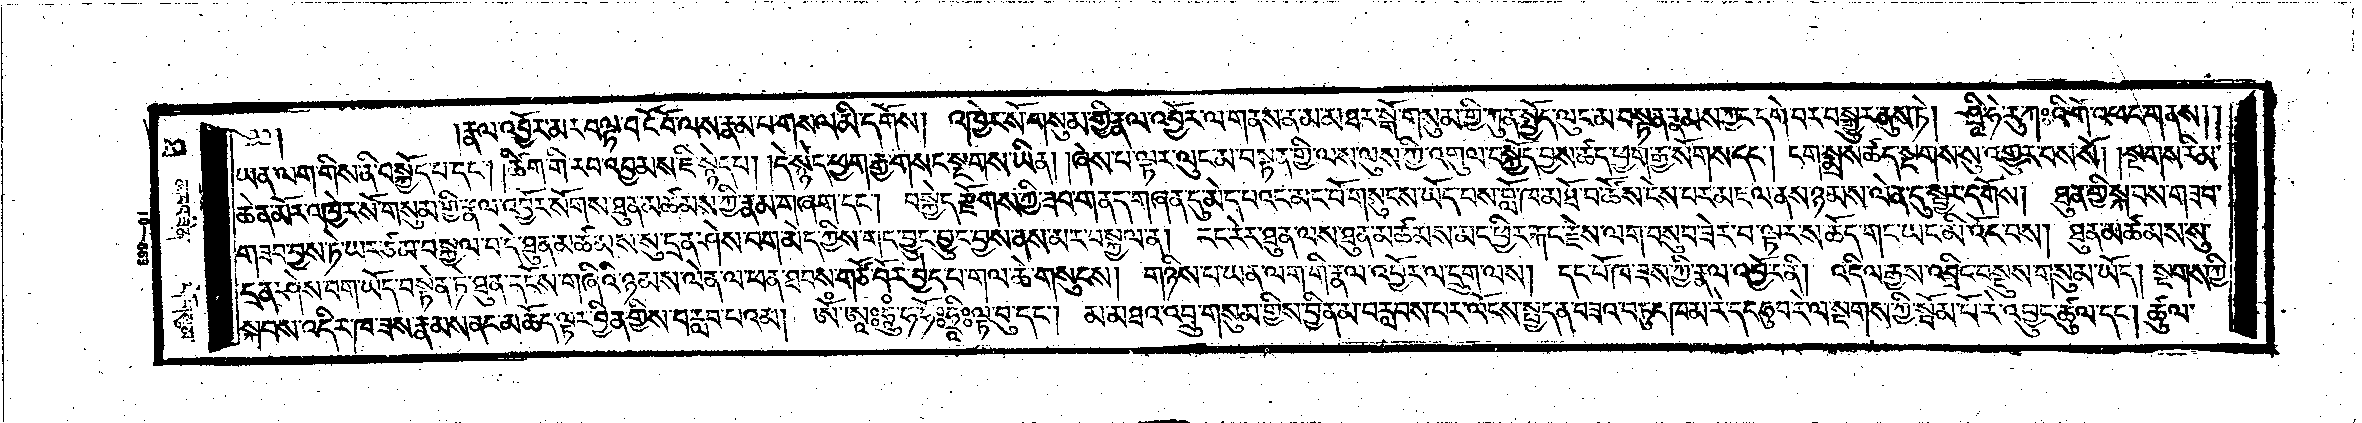༄༅། །རྣལ་འབྱོར་མར་བལྟ་བ་ངོ་བོ་ལས་རྣམ་པ་གསལ་མི་དགོས། འཁྱེར་སོ་གསུམ་གྱི་རྣལ་འབྱོར་ལ་གནས་ན་མ་མཐར་སྒོ་གསུམ་གྱི་ཀུན་སྤྱོད་ལུང་མ་བསྟན་རྣམས་ཀྱང་དགེ་བར་བསྒྱུར་ནུས་ཏེ། ཤྲཱི་ཧེ་རུ་ཀཿའི་གོ་འཕང་གནས། །
ཡན་ལག་གིས་ནི་བསྐྱོད་པ་དང་། །ཚིག་གི་རབ་འབྱམས་ཇི་སྙེད་པ། དེ་སྙེད་ཕྱག་རྒྱ་གསང་སྔགས་ཡིན། །ཞེས་པ་ལྟར་ལུང་མ་བསྟན་གྱི་ལས་ལུས་ཀྱི་འགུལ་བསྐྱོད་བྱས་ཚང་ཕྱག་རྒྱ་སོགས་དང་། ངག་སྨྲས་ཚད་སྔགས་སུ་འགྱུར་བས་སོ། །སྔགས་རིམ་
ཆེན་མོར་འཁྱེར་སོ་གསུམ་གྱི་རྣལ་འབྱོར་སོགས་ཐུན་མཚམས་ཀྱི་རྣམ་གཞག་དང་། བསྐྱེད་རྫོགས་ཀྱི་ཟབ་གནད་གཞན་དུ་མེད་པའང་མང་པོ་གསུངས་ཡོད་པས་བློ་ཁ་མཐོ་བ་ཚོས་ངེས་པར་མཇལ་ནས་ཉམས་ལེན་དུ་སྦྱར་དགོས། ཐུན་གྱི་སྐབས་གཟབ་
གཟབ་བྱས་ཏེ་མང་ཙམ་བསྐྱལ་བ་དེ་ཐུན་མཚམས་སུ་དྲན་ཤེས་བག་མེད་ཀྱིས་གང་བྱུང་བྱུང་བྱས་ནས་མར་བསྐྱལ་ན། རང་རེར་ཐུན་ལས་ཐུན་མཚམས་མང་ཕྱིར་རྐང་རྗེས་ལག་བསུབ་ཟེར་བ་ལྟར་ས་ཆོད་གང་ཡང་མི་འོང་བས། ཐུན་མཚམས་སུ་
དྲན་ཤེས་བག་ཡོད་བསྟེན་ཏེ་ཐུན་དངོས་གཞིའི་ཉམས་ལེན་ལ་ཕན་ཐབས་གཙོ་བོར་བྱེད་པ་གལ་ཆེ་གསུངས། གཉིས་པ་ཡན་ལག་གི་རྣལ་འབྱོར་ལ་དྲུག་ལས། དང་པོ་ཁ་ཟས་ཀྱི་རྣལ་འབྱོར་ནི། འདི་ལ་རྒྱས་འབྲིང་བསྡུས་གསུམ་ཡོད། སྔགས་ཀྱི་
སྐབས་འདིར་ཁ་ཟས་རྣམས་ནང་མཆོད་ལྟར་བྱིན་གྱིས་བརླབ་པའམ། ཨོཾ་ཨཱཿ ཧཱུཾ་ཧ་ཧོཿ ཧྲཱིཿ ལྟ་བུ་དང་། མ་མཐའ་འབྲུ་གསུམ་གྱིས་བྱིན་མ་བརླབས་པར་ལོངས་སྤྱོད་ན་བཟའ་བཏུང་ཁམ་རེ་དང་ཧུ་བ་རེ་ལ་སྔགས་ཀྱི་སྦོམ་པོ་རེ་འབྱུང་ཚུལ་དང་། ཚུལ་